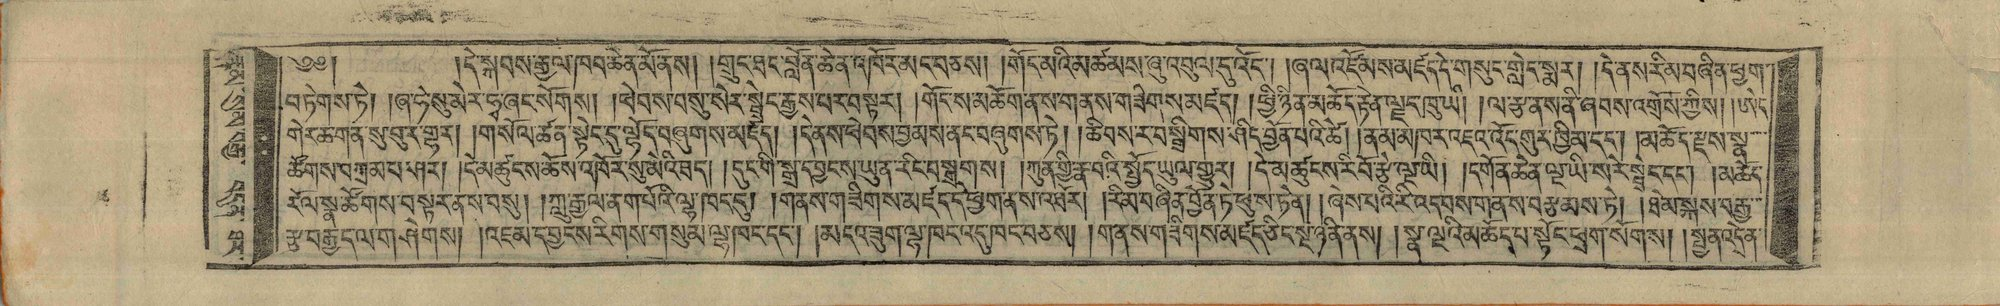༄༅། །དེ་སྐབས་རྒྱལ་ཁབ་ཆེན་མོ་ནས། །གྲུང་ཐང་བློན་ཆེན་འཁོར་མང་བཅས། །གོང་མའི་མཚམས་ཞུ་འབུལ་དུ་འོང་། །ཞལ་འཛོམས་མཛད་དེ་གསུང་གླེང་སྨར། །དེ་ནས་རིམ་བཞིན་ཕྱག་
བཏེགས་ཏེ། །ཞ་ཧེ་སུ་མེར་ཧྭ་ཞང་སོགས། །ཕེབས་བསུ་སེར་སྦྲེང་རྒྱས་པར་བསྟར། །གོང་ས་མཆོག་ནས་གནས་གཟིགས་མཛད། །ཕྱི་ཉིན་མཆོད་རྟེན་ལྗང་ཁུ་ཡི། །ལ་རྩ་ནས་ནི་ཞབས་འགྲོས་ཀྱིས། །ཨེང་
གེར་ཆ་གན་སུ་བུར་གྷར། །གསོལ་ཚན་སྟེང་དུ་ལྷོད་བཞུགས་མཛད། །དེ་ནས་ཕེབས་བྱམས་ནང་བཞུགས་ཏེ། །ཆིབས་ར་བསྒྲིགས་ཤིང་བྱོན་པའི་ཚེ། །ནམ་མཁར་འཇའ་འོང་གུར་ཁྱིམ་དང་། །མཆོད་རྫས་སྣ་
ཚོགས་བཀྲམ་པ་ཤར། །དེ་མཚུངས་ཆོས་འཁོར་སུ་མེའི་ཐད། །དུང་གི་སྒྲ་དབྱངས་ཡུན་རིང་བསྒྲགས། །ཀུན་གྱི་རྣ་བའི་སྤྱོད་ཡུལ་གྱུར། །དེ་མཚུངས་རི་བོ་རྩེ་ལྔ་ཡི། །དགོན་ཆེན་ལྔ་ཡི་སེར་སྦྲེང་དང་། །མཆོད་
རོལ་སྣ་ཚོགས་བསྟར་ནས་བསུ། །ཀླུ་རྒྱལ་ནག་པོའི་ལྷ་ཁང་དུ། །གནས་གཟིགས་མཛད་དེ་ཕྱག་ནས་འཐོར། །རིམ་བཞིན་བྱོན་ཏེ་ཕུ་ས་ཏེན། །ཞེས་པའི་རི་འདབས་གནས་བརྩམས་ཏེ། །ཐེམ་སྐས་བརྒྱ་
རྩ་བརྒྱད་ལ་གཤེགས། །འཇམ་དབྱངས་རིགས་གསུམ་ལྷ་ཁང་དང་། །མདའ་ཟུག་ལྷ་ཁང་འདུ་ཁང་བཅས། །གནས་གཟིགས་མཛད་ཅིང་སྔ་ཉིན་ནས། །སྣ་ལྔའི་མཆོད་པ་སྟོང་ཕྲག་སོགས། །སྤྱན་འདྲེན་